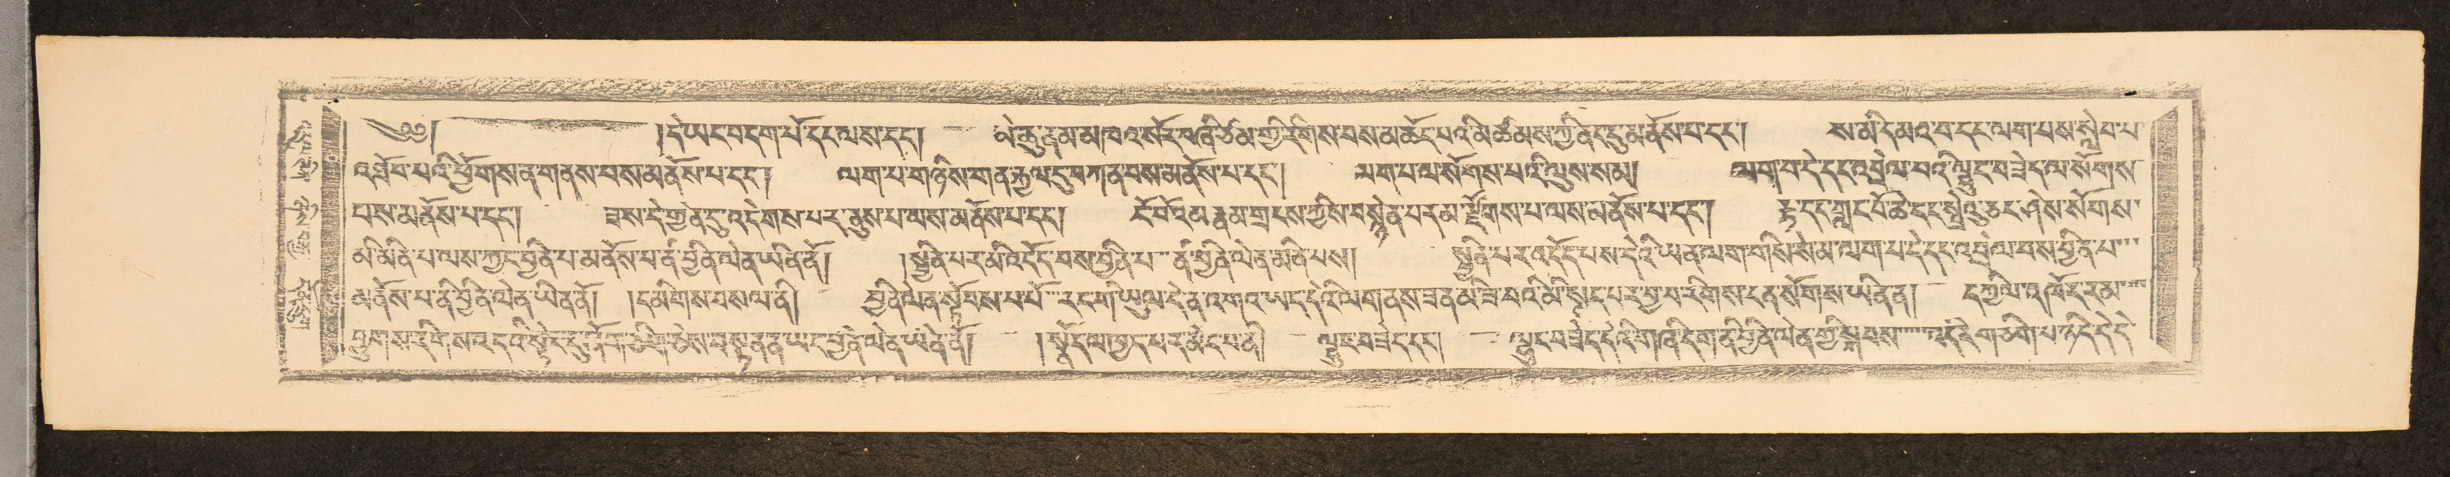༄༅། །དེ་ཡང་བདག་པོ་དང་ལས་དང་། མེ་ཆུ་ནམ་མཁའ་སོར་བཞི་ཙམ་གྱི་རགས་བས་མཆོད་པའི་མཚམས་ཀྱི་ནང་དུ་མནོས་པ་དང་། ས་མི་དམའ་བ་དང་ལག་པས་སླེབ་བ་
འཐོབ་པའི་ཕྱོགས་ན་གནས་པས་མནོས་པ་དང་། ལག་བ་གཉིས་གན་རྐྱལ་དུ་བཀན་པས་མནོས་པ་དང་། ལག་པ་ལ་སོགས་པའི་ལུས་སམ། ལག་པ་དེ་དང་འབྲེལ་བའི་ལྟུང་བཟེད་ལ་སོགས་
པས་མནོས་པ་དང་། ཟས་དེ་གྱེན་དུ་འདེགས་པར་ནུས་པ་ལས་མནོས་པ་དང་། ངོ་བོ་འམ་རྣམ་གྲངས་ཀྱིས་བསྙེན་པར་མ་རྫོགས་པ་ལས་མནོས་པ་དང་། རྟ་དང་གླང་པོ་ཆེ་དང་སྦྲེའུ་ཅད་ཤེས་སོགས་
མི་མིན་པ་ལས་ཀྱང་བྱིན་པ་མནོས་པ་ནི་བྱིན་ལེན་ཡིན་ནོ། །སྦྱིན་པར་མི་འདོད་པས་བྱིན་པ་ནི་བྱིན་ལེན་མིན་བས། སྦྱིན་པར་འདོད་བས་དེའི་ཡན་ལག་གིས་སམ་ལག་པ་དེ་དང་འབྲེལ་བས་བྱིན་པ་
མནོས་པ་ནི་བྱིན་ལེན་ཡིན་ནོ། །དམིགས་བསལ་ནི། བྱིན་ལེན་སྟོབས་པ་པོ་རང་གི་ཡུལ་དེ་ན་འགའ་ཡང་དེའི་ལག་ནས་ཟན་མི་ཟ་བའི་མི་སྨད་པར་བྱ་བ་རིགས་ངན་སོགས་ཡིན་ན། དཀྱིལ་འཁོར་རམ་
བྱུགས་རིགས་འདིའི་སྟེང་དུ་ཞོག་ཅིག་ཅེས་བསྟན་ན་ཡང་བྱིན་ལེན་ཡིན་ནོ། །སྣོད་ལ་ཁྱད་བར་མེད་པ་ནི། ལྷུང་བཟེད་དང་། ལྷུང་བཟེད་དེའི་གཞི་དག་ནི་བྱིན་ལེན་གྱི་སྐབས་འདིར་གཅིག་པ་ཉིད་དེ་དེ་